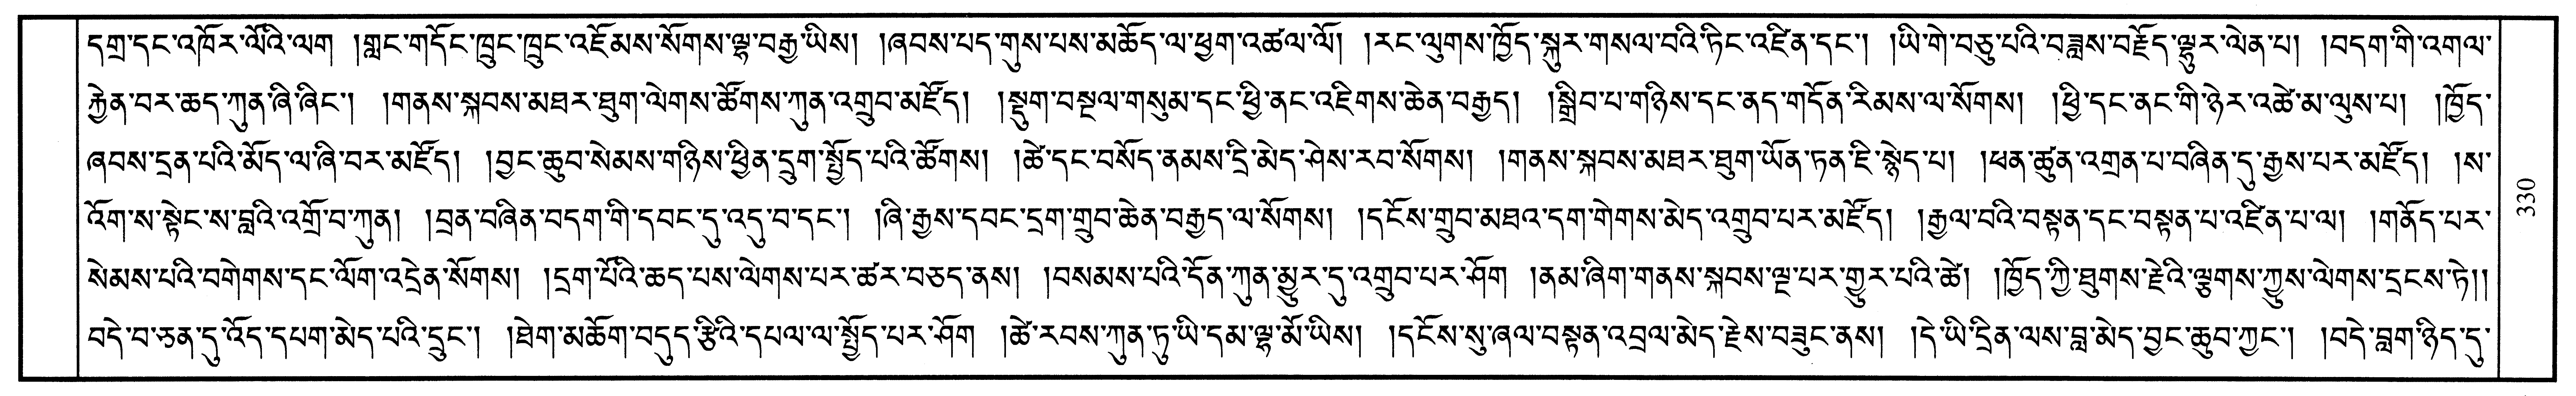དགྲ་དང་འཁོར་ལོའི་ལག །གླང་གདོང་ཁྲུང་ཁྲུང་འཇོམས་སོགས་ལྷ་བརྒྱ་ཡིས། །ཞབས་པད་གུས་པས་མཆོད་ལ་ཕྱག་འཚལ་ལོ། །རང་ལུགས་ཁྱུད་སྐུར་གསལ་བའི་ཏིང་འཛིན་དང་། །ཡི་གེ་བཅུ་པའི་བཟླས་བརྗོད་ལྷུར་ལེན་པ། །བདག་གི་འགལ་
རྐྱེན་བར་ཆད་ཀུན་ཞི་ཞིང་། །གནས་སྐབས་མཐར་ཐུག་ལེགས་ཚོགས་ཀུན་འགྲུབ་མཛོད། །སྡུག་བསྔལ་གསུམ་དང་ཕྱི་ནང་འཇིགས་ཆེན་བརྒྱད། །སྒྲིབ་པ་གཉིས་དང་ནད་གདོན་རིམས་ལ་སོགས། །ཕྱི་དང་ནང་གི་ཉེར་འཚེ་མ་ལུས་པ། །ཁྱོད་
ཞབས་དྲན་པའི་མོད་ལ་ཞི་བར་མཛོད། །བྱང་ཆུབ་སེམས་གཉིས་ཕྱིན་དྲུག་སྤྱོད་པའི་ཚོགས། །ཚེ་དང་བསོད་ནམས་དྲི་མེད་ཤེས་རབ་སོགས། །གནས་སྐབས་མཐར་ཐུག་ཡོན་ཏན་ཇི་སྙེད་པ། །ཕན་ཚུན་འགྲན་པ་བཞིན་དུ་རྒྱས་པར་མཛོད། །ས་
འོག་ས་སྟེང་ས་བླའི་འགྲོ་བ་ཀུན། །བྲན་བཞིན་བདག་གི་དབང་དུ་འདུ་བ་དང་། །ཞི་རྒྱས་དབང་དྲག་གྲུབ་ཆེན་བརྒྱད་ལ་སོགས། །དངོས་གྲུབ་མཐའ་དག་གེགས་མེད་འགྲུབ་པར་མཛོད། །རྒྱལ་བའི་བསྟན་དང་བསྟན་པ་འཛིན་པ་ལ། །གནོད་པར་
སེམས་པའི་བགེགས་དང་ལོག་འདྲེན་སོགས། །དྲག་པོའི་ཆད་པས་ལེགས་པར་ཚར་བཅད་ནས། །བསམས་པའི་དོན་ཀུན་མྱུར་དུ་འགྲུབ་པར་ཤོག །ནམ་ཞིག་གནས་སྐབས་ལྔ་པར་གྱུར་པའི་ཚེ། །ཁྱོད་ཀྱི་ཐུགས་རྗེའི་ལྕགས་ཀྱུས་ལེགས་དྲངས་ཏེ།།
བདེ་བ་ཅན་དུ་འོད་དཔག་མེད་པའི་དྲུང་། །ཐེག་མཆོག་བདུད་རྩིའི་དཔལ་ལ་སྤྱོད་པར་ཤོག །ཚེ་རབས་ཀུན་ཏུ་ཡི་དམ་ལྷ་མོ་ཡིས། །དངོས་སུ་ཞལ་བསྟན་འབྲལ་མེད་རྗེས་བཟུང་ནས། །དེ་ཡི་དྲིན་ལས་བླ་མེད་བྱང་ཆུབ་ཀྱང་། །བདེ་བླག་ཉིད་དུ་